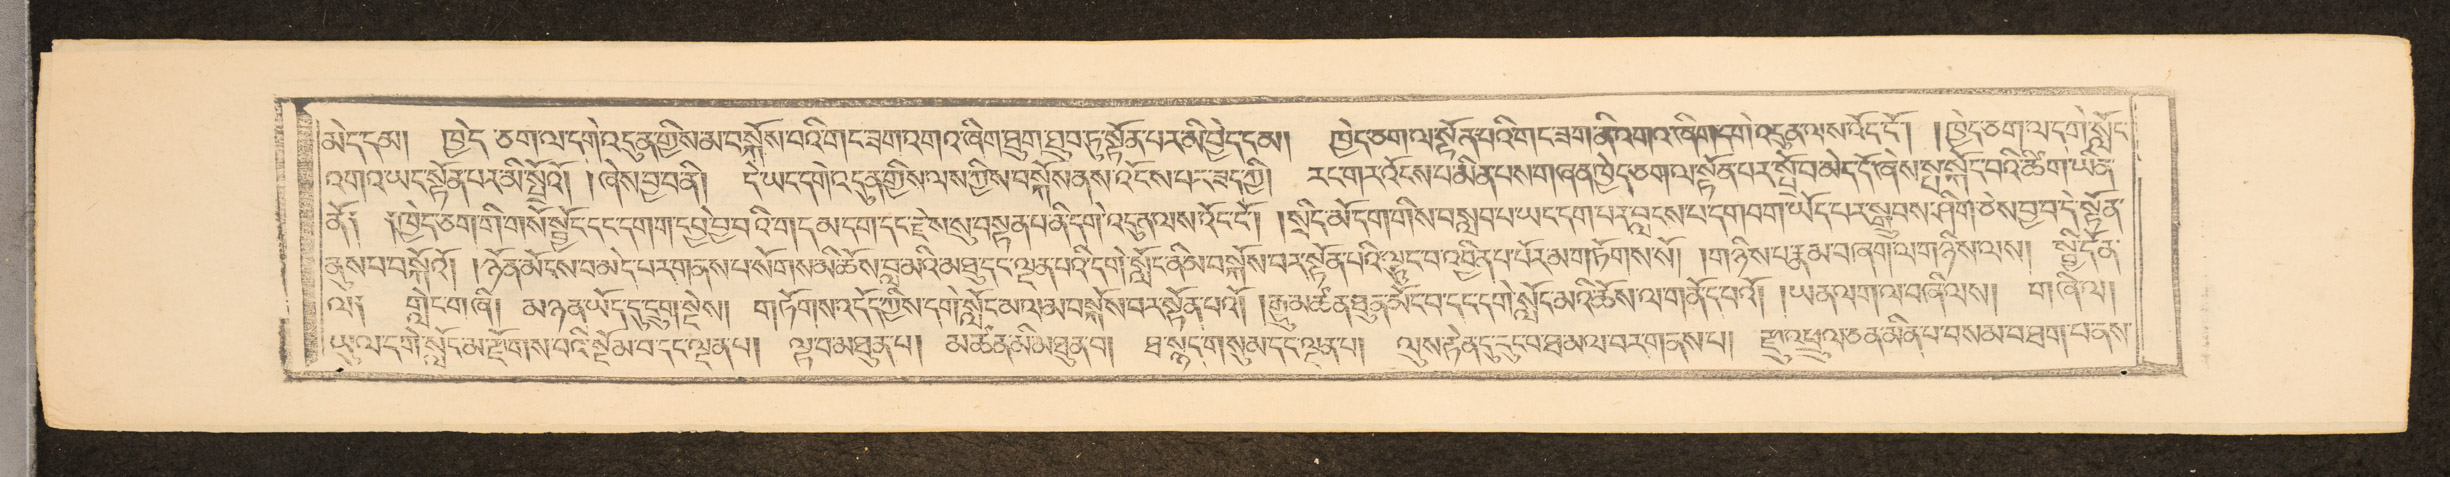མེད་དམ། ཁྱེད་ཅག་ལ་དགེ་འདུན་གྱིས་མ་བསྐོས་པའི་གང་ཟག་འགའ་ཞིག་ཐུག་ཐུབ་ཏུ་སྟོན་པར་མི་བྱེད་དམ། ཁྱེད་ཅག་ལ་སྟོན་པའི་གང་ཟག་ནི་འགའ་ཞིག་དགེ་འདུན་ལས་འོང་ངོ། །ཁྱེད་ཅག་ལ་དགེ་སློང་
འགའ་ཡང་སྟོན་པར་མི་སྤྲོའོ། །ཞེས་བྱ་བ་ནི། དེ་ཡང་དགེ་འདུན་གྱིས་ལས་ཀྱིས་བསྐོས་ནས་འོངས་པར་ཟད་ཀྱི། རང་གར་འོངས་པ་མིན་པས་གཞན་ཁྱེད་ཅག་ལ་སྟོན་པར་སྤྲོ་བ་མེད་དོ་ཞེས་སྤ་སྐོང་བའི་ཚིག་ཡིན་
ནོ༑ །ཁྱེད་ཅག་གི་གསོ་སྦྱོང་དང་དགག་དབྱེ་བྱ་བའི་གདམ་ངག་དང་རྗེས་སུ་བསྟན་པ་ནི་དགེ་འདུན་ལས་འོང་ངོ། །སྲིང་མོ་དག་གིས་བསླབ་པ་ཡང་དག་པར་བླངས་པ་དག་བག་ཡང་པར་སྒྲུབས་ཤིག་ཅེས་བྱ་བ་དེ་སྟོན་
ནུས་པ་བསྐོའོ། །ཉོན་མོངས་པ་མེད་པར་གནས་པ་སོགས་མི་ཆོས་བླ་མའི་མཐུ་དང་ལྡན་པའི་དགེ་སློང་ནི་མ་བསྐོས་པར་སྟོན་པའི་ལྟུང་བ་འབྱིན་པ་པོར་མ་གཏོགས་སོ། །གཉིས་པ་རྣམ་བཞག་ལ་གཉིས་ལས། སྤྱི་དོན་
ལ༑ གླེང་གཞི། མཉན་ཡོད་དུ་དྲུག་སྡེས། གཏོགས་འདོད་ཀྱིས་དགེ་སློང་མ་ལ་མ་བསྐོས་པར་སྟོན་པའོ། །རྒྱུ་མཚན་ཐུན་མོང་པ་དང་དགེ་སློང་མའི་ཆོས་ལ་གནོད་པའོ། །ཡན་ལག་ལ་བཞི་ལས། གཞི་ལ།
ཡུལ་དགེ་སློང་མ་རྫོགས་པའི་སྡོམ་པ་དང་ལྡན་པ། ལྟ་བ་མཐུན་པ། མཚན་མི་མཐུན་པ། ཐ་སྙད་གསུམ་དང་ལྡན་པ། ལུས་རྟེན་དུ་རུང་བ་ཐ་མལ་པར་གནས་པ། རྫུ་འཕྲུལ་ཅན་མིན་པ་བསམ་པ་ཐག་པ་ནས་